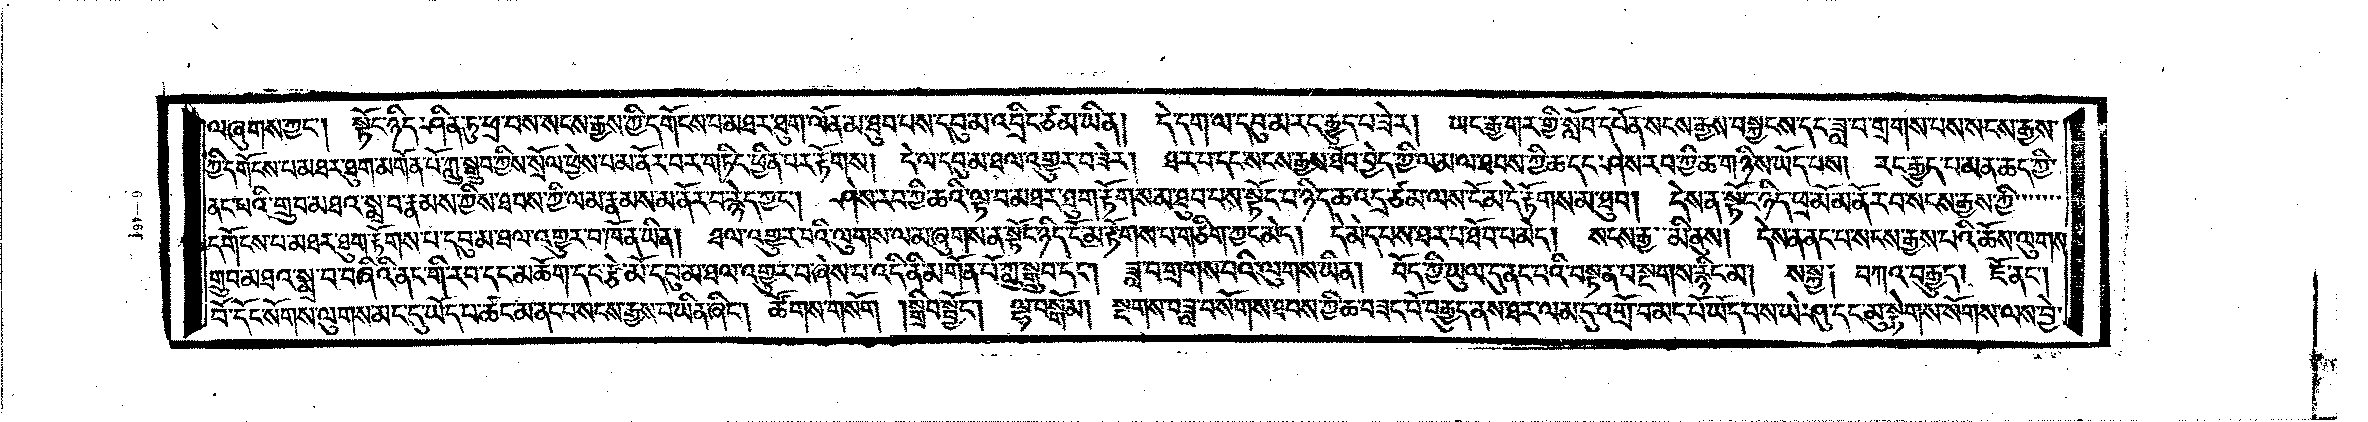ལ་ཞུགས་ཀྱང་། སྟོང་ཉིད་ཤིན་ཏུ་ཕྲ་བས་སངས་རྒྱས་ཀྱི་དགོངས་པ་མཐར་ཐུག་ལོན་མ་ཐུབ་པས་དབུ་མ་འབྲིང་ཙམ་ཡིན། དེ་དག་ལ་དབུ་མ་རང་རྒྱུད་པ་ཟེར། ཡང་རྒྱ་གར་གྱི་སློབ་དཔོན་སངས་རྒྱས་བསྐྱངས་དང་ཟླ་བ་གྲགས་པས་སངས་རྒྱས་
ཀྱི་དགོངས་པ་མཐར་ཐུག་མགོན་པོ་ཀླུ་སྒྲུབ་ཀྱིས་སྲོལ་ཕྱེས་པ་མ་ནོར་བར་གཏིང་ཕྱིན་པར་རྟོགས། དེ་ལ་དབུ་མ་ཐལ་འགྱུར་བ་ཟེར། ཐར་པ་དང་སངས་རྒྱས་ཐོབ་བྱེད་ཀྱི་ལམ་ལ་ཐབས་ཀྱི་ཆ་དང་ཤེས་རབ་ཀྱི་ཆ་གཉིས་ཡོད་པས། རང་རྒྱུད་པ་མན་ཆད་ཀྱི་
ནང་པའི་གྲུབ་མཐའ་སྨྲ་བ་རྣམས་ཀྱིས་ཐབས་ཀྱི་ལམ་རྣམས་མ་ནོར་བ་རྙེད་ཀྱང་། ཤེས་རབ་ཀྱི་ཆའི་ལྟ་བ་མཐར་ཐུག་རྟོགས་མ་ཐུབ་པས་སྟོང་པ་ཉིད་ཆ་འདྲ་ཙམ་ལས་ངོ་མ་དེ་རྟོགས་མ་ཐུབ། དེས་ན་སྟོང་ཉིད་ཕྲ་མོ་མ་ནོར་བ་སངས་རྒྱས་ཀྱི་
དགོངས་པ་མཐར་ཐུག་རྟོགས་པ་དབུ་མ་ཐལ་འགྱུར་བ་ཁོ་ན་ཡིན། ཐལ་འགྱུར་བའི་ལུགས་ལ་མ་ཞུགས་ན་སྟོང་ཉིད་ངོ་མ་རྟོགས་པ་གཅིག་ཀྱང་མེད། དེ་མེད་པས་ཐར་པ་ཐོབ་པ་མེད། སངས་རྒྱ་མི་ནུས། དེས་ན་ནང་བ་སངས་རྒྱས་པའི་ཆོས་ལུགས་
གྲུབ་མཐའ་སྨྲ་བ་བཞིའི་ནང་གི་རབ་དང་མཆོག་དང་རྩེ་མོ་དབུ་མ་ཐལ་འགྱུར་བ་ཞེས་པ་འདི་ནི་མགོན་པོ་ཀླུ་སྒྲུབ་དང་། ཟླ་བ་གྲགས་པའི་ལུགས་ཡིན། བོད་ཀྱི་ཡུལ་དུ་ནང་བའི་བསྟན་པ་སྔགས་རྙིང་མ། ས་སྐྱ༑ བཀའ་བརྒྱུད། ཇོ་ནང་།
བོ་དོང་སོགས་ལུགས་མང་དུ་ཡོད་པ་ཚང་མ་ནང་པ་སངས་རྒྱས་པ་ཡིན་ཞིང་། ཚོགས་གསོག །སྒྲིབ་སྦྱོང་། ལྷ་བསྒོམ། སྔགས་བཟླ་བ་སོགས་ཐབས་ཀྱི་ཆ་བཟང་པོ་བརྒྱུད་ནས་ཐར་ལམ་དུ་འགྲོ་བ་མང་པོ་ཡོད་པས་ཡེ་ཤུ་དང་མུ་སྟེགས་སོགས་ལས་བྱེ་